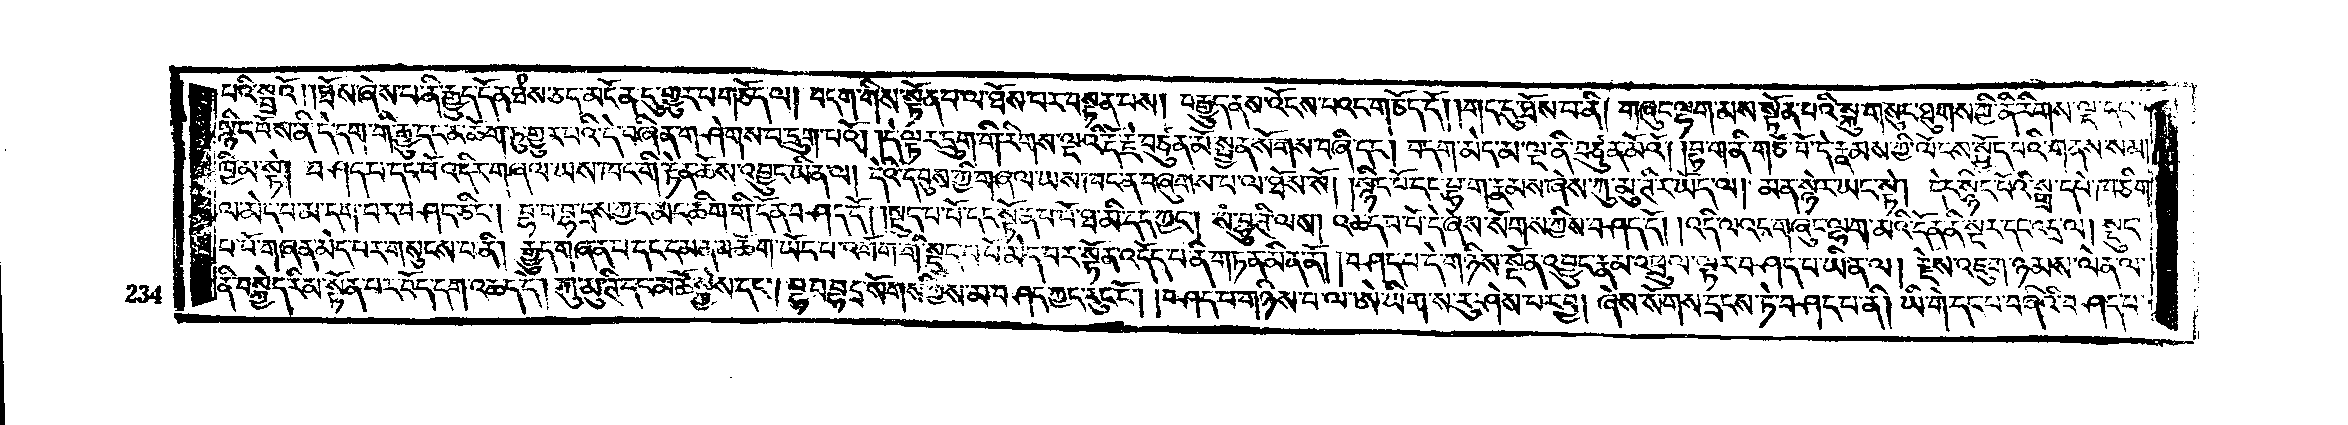པའི་སྤྲའོ། །ཐོས་ཞེས་པ་ནི་རྒྱུད་དོན་ཐམས་ཅད་མངོན་དུ་གྱུར་པ་གཅོད་ལ། བདག་གིས་སྟོན་པ་ལ་ཐོས་པར་བསྟན་པས། བརྒྱུད་ནས་འོངས་པའང་གཅོད་དོ། །གང་དུ་ཐོས་པ་ནི། གཞུང་ལྷག་མས་སྟོན་པའི་སྐུ་གསུང་ཐུགས་ཀྱི་ནི་རིགས་ལྔ་དང་
སྙིང་པོས་ནི་དེ་དག་གི་རྒྱུ་དང་མཆོག་ཏུ་གྱུར་པའི་དེ་བཞིན་གཤེགས་པ་དྲུག་པའོ། །དེ་ལྟར་དྲུག་གི་རིགས་ལྔའི་རྡོ་རྗེ་བཙུན་མོ་སྤྱན་སོགས་བཞི་དང་། བདག་མེད་མ་ལྔ་ནི་བཙུན་མོའོ། །བྷ་ག་ནི་གཙོ་བོ་དེ་རྣམས་ཀྱི་ལོངས་སྤྱོད་པའི་གནས་སམ།
ཁྱིམ་སྟེ། བཤད་པ་དང་པོ་འདིར་གཞལ་ཡས་ཁང་གི་རྟེན་ཆོས་འབྱུང་ཡིན་ལ། དེའི་དབུས་ཀྱི་གཞལ་ཡས་ཁང་ན་བཞུགས་པ་ལ་ཐོས་སོ། །སྙིང་པོ་དང་བྷ་ག་རྣམས་ཞེས་ཀུ་མུ་ཊི་ར་ཡོད་ལ། མན་སྙེར་ཡང་སྟེ། དེང་སྙིང་པོའི་སྒྲ་དཔེ་ཁ་ཅིག་
ལ་མེད་པ་མ་དག་པར་བཤད་ཅིང་། བྷ་བ་བྷ་དྲས་ཀྱང་མང་ཚིག་གི་དོན་བཤད་དོ། །སྡུད་པ་པོ་དང་སྟོན་པ་པོ་ཐ་མི་དད་ཀྱང་། སཾ་བྷུ་ཊི་ལས། འཆད་པ་པོ་དེ་ཞེས་སོགས་ཀྱིས་བཤད་དོ། །འདི་ལའང་གཞུང་ལྷག་མའི་དོན་ནི་སྔར་དང་འདྲ་ལ། སྡུད་
པ་པོ་གཞན་མེད་པར་གསུངས་པ་ནི། རྒྱུད་གཞན་པ་དང་དམན་མཆོག་ཡོད་པ་འགོག་གི་སྡུད་པ་པོ་མེད་པར་སྟོན་འདོད་པ་ནི་གཏན་མིན་ནོ། །བཤད་པ་དེ་གཉིས་སྔོན་འབྱུང་རྣམ་འཕྲུལ་ལྟར་བཤད་པ་ཡིན་ལ། རྗེས་འཇུག་ཉམས་ལེན་ལ་
ནི་བསྐྱེད་རིམ་སྟོན་པར་བོད་དག་འཆད་དེ། ཀུ་མུ་ཊི་དང་མཚོ་སྐྱེས་དང་། བྷ་བ་བྷ་དྲ་སོགས་ཀྱིས་མ་བཤད་ཀྱང་རུང་ངོ། །བཤད་པ་གཉིས་པ་ལ་ཨེ་ཡིག་ས་རུ་ཤེས་པར་བྱ། ཞེས་སོགས་དྲངས་ཏེ་བཤད་པ་ནི། ཡི་གེ་དང་པོ་?་བཞིའི་བཤད་པ་